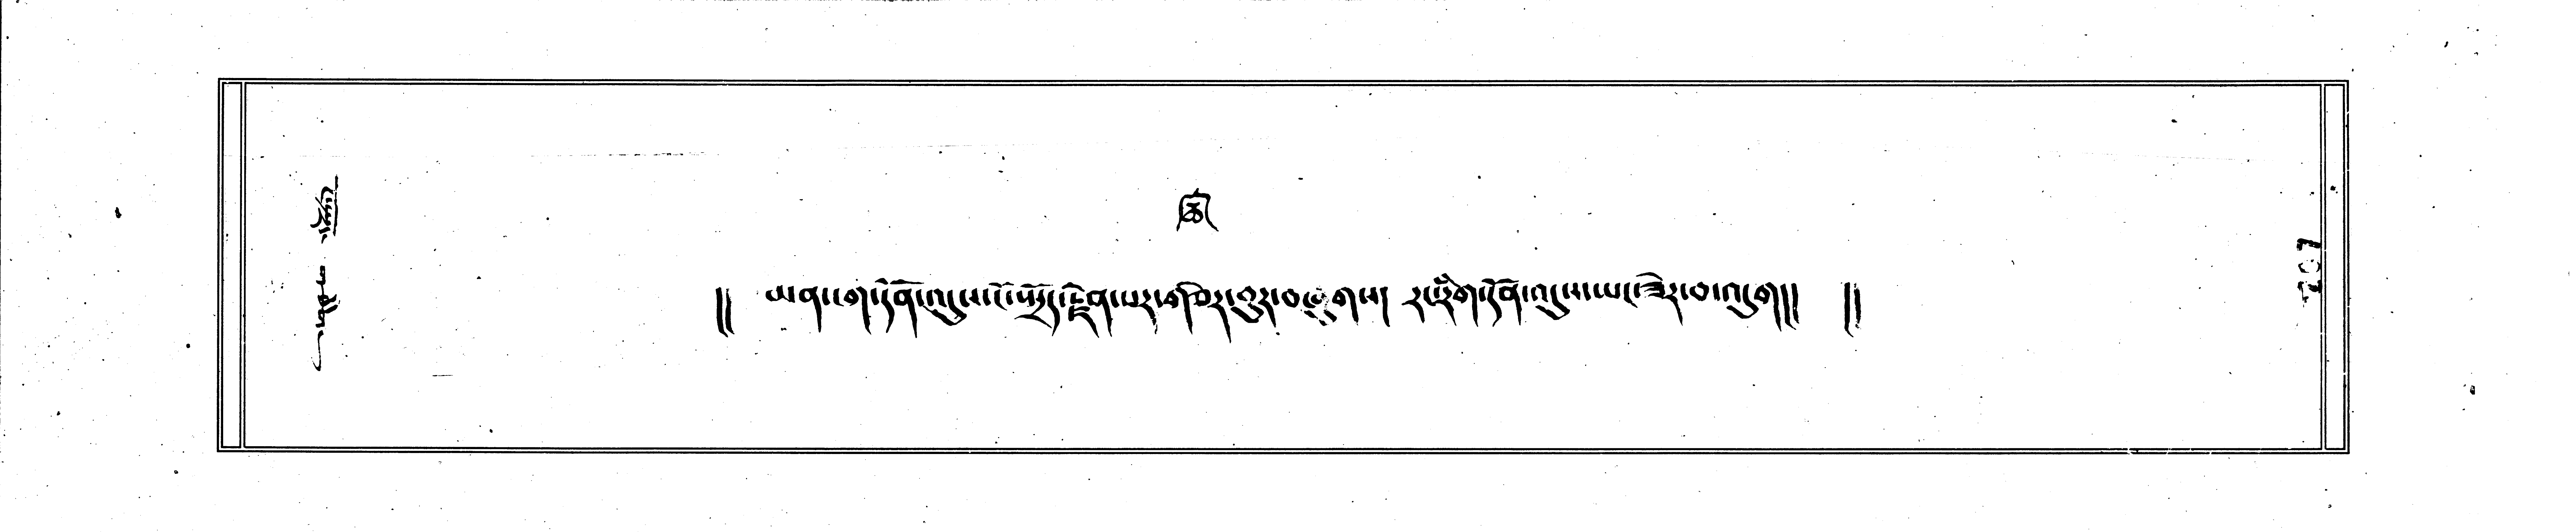།། ༼ཆ༽མན་ངག་དོན་འདུས་ངོ་སྤྲོད་རྗེན་པར་གཅེར་བུར་བཞུགས། རང་རིག་དོན་འདུས་ཡང་ཟེར་བ་འདུག །།